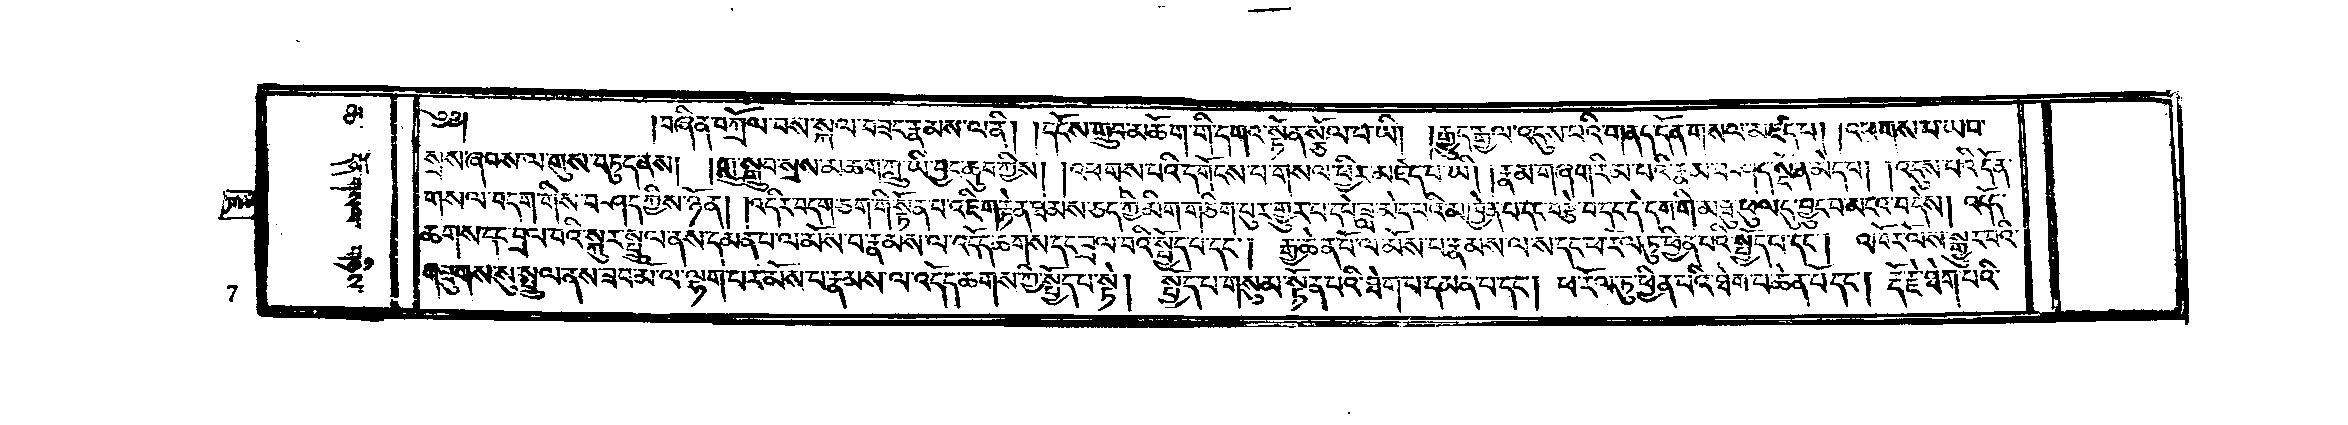༄༅། །བཞིན་བཀྲོལ་བས་སྐལ་བཟང་རྣམས་ལ་ནི། །དངོས་གྲུབ་མཆོག་གི་དགའ་སྟོན་སྩོལ་བ་ཡི། །རྒྱུད་རྒྱལ་འདུས་པའི་གནད་དོན་གསལ་མཛད་པ། །འཕགས་པ་ཡབ་
སྲས་ཞབས་ལ་གུས་བཏུད་ནས། །ཀླུ་སྒྲུབ་སྲས་མཆོག་ཀླུ་ཡི་བྱང་ཆུབ་ཀྱིས། །འཕགས་པའི་དགོངས་པ་གསལ་ཕྱིར་མཛད་པ་ཡི། །རྣམ་གཞག་རིམ་པའི་རྣམ་བཤད་སྔོན་མེད་པ། །འདུས་པའི་དོན་
གསལ་བདག་གིས་བཤད་ཀྱིས་ཉོན། །འདིར་བདག་ཅག་གི་སྟོན་པ་འཇིག་རྟེན་ཐམས་ཅད་ཀྱི་མིག་གཅིག་པུར་གྱུར་པ་དཔེ་ཟླ་མེད་པའི་མཁྱེན་པ་དང་བརྩེ་བ་དང་དེ་དག་གི་མཐུ་ཕུལ་དུ་བྱུང་བ་མངའ་བ་དེས། འདོད་
ཆགས་དང་བྲལ་བའི་སྐུར་སྤྲུལ་ནས་དམན་པ་ལ་མོས་པ་རྣམས་ལ་འདོད་ཆགས་དང་བྲལ་བའི་སྤྱོད་པ་དང་། རྒྱ་ཆེན་པོ་ལ་མོས་པ་རྣམས་ལ་ས་དང་ཕ་རོལ་ཏུ་ཕྱིན་པའི་སྤྱོད་པ་དང་། འཁོར་ལོས་སྒྱུར་བའི་
གཟུགས་སུ་སྤྲུལ་ནས་ཟབ་མོ་ལ་ལྷག་པར་མོས་པ་རྣམས་ལ་འདོད་ཆགས་ཀྱི་སྤྱོད་པ་སྟེ། སྤྱོད་པ་གསུམ་སྟོན་པའི་ཐེག་པ་དམན་པ་དང་། ཕ་རོལ་ཏུ་ཕྱིན་པའི་ཐེག་པ་ཆེན་པོ་དང་། རྡོ་རྗེ་ཐེག་པའི་